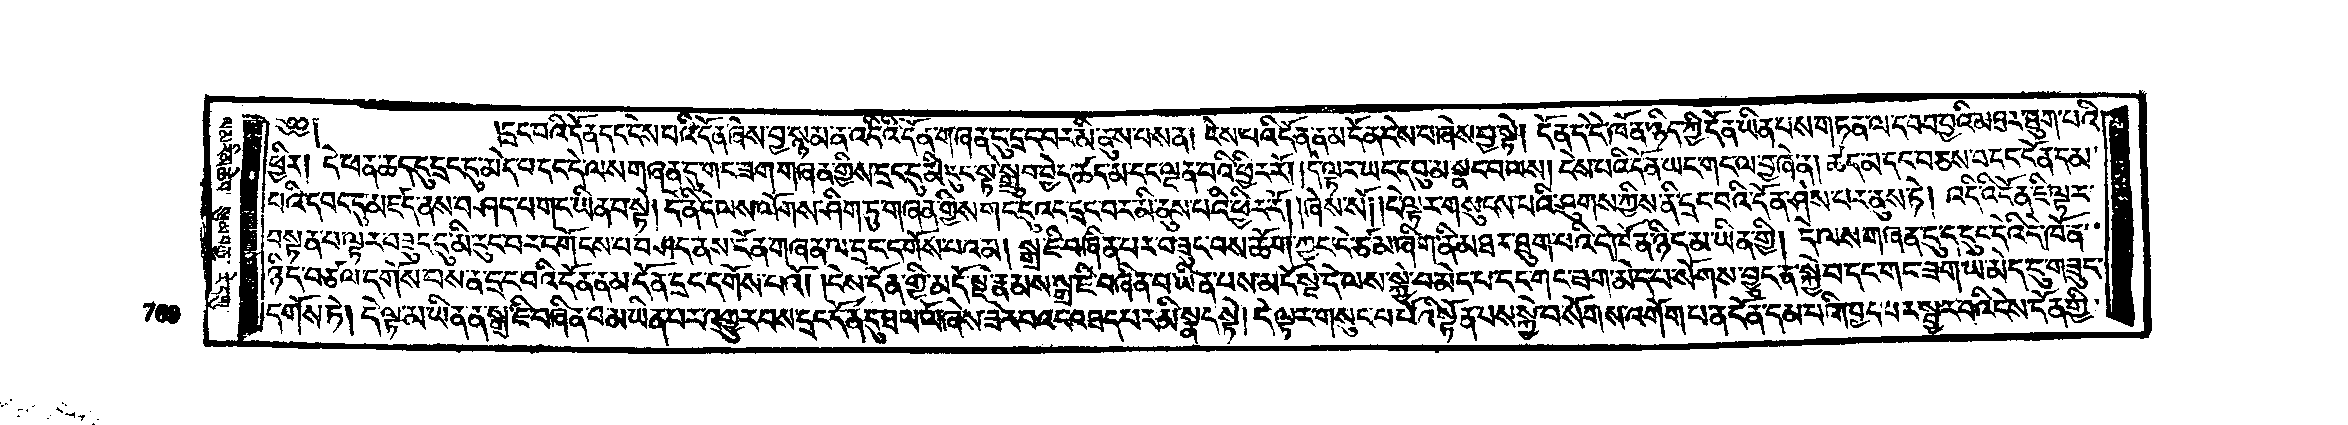༄༅། །དྲང་བའི་དོན་དང་ངེས་པའི་དོན་ཞེས་བྱ་སྙམ་ན་འདིའི་དོན་གཞན་དུ་དྲང་བར་མི་ནུས་པས་ན། ངེས་པའི་དོན་ནམ་དོན་ངེས་པ་ཞེས་བྱ་སྟེ། དོན་དེ་དེ་ཁོ་ན་ཉིད་ཀྱི་དོན་ཡིན་པས་གཏན་ལ་དབབ་བྱའི་མཐར་ཐུག་པའི་
ཕྱིར༑ དེ་ཕན་ཆད་དུ་དྲང་དུ་མེད་པ་དང་དེ་ལས་གཞན་དུ་གང་ཟག་གཞན་གྱིས་དྲང་དུ་མི་རུང་སྟེ་སྒྲུབ་བྱེད་ཚད་མ་དང་ལྡན་པའི་ཕྱིར་རོ། །དེ་ལྟར་ཡང་དབུ་མ་སྣང་བ་ལས། ངེས་པའི་དོན་ཡང་གང་ལ་བྱ་ཞེ་ན། ཚད་མ་དང་བཅས་པ་དང་དོན་དམ་
པའི་དབང་དུ་མཛད་ནས་བཤད་པ་གང་ཡིན་པ་སྟེ། དེ་ནི་དེ་ལས་ལོགས་ཤིག་ཏུ་གཞན་གྱིས་གང་དུའང་དྲང་བར་མི་ནུས་པའི་ཕྱིར་རོ། །ཞེས་སོ། །དེ་ལྟར་གསུངས་པའི་ཤུགས་ཀྱིས་ནི་དྲང་བའི་དོན་ཤེས་པར་ནུས་ཏེ། འདིའི་དོན་ཇི་ལྟར་
བསྟན་པ་ལྟར་བཟུང་དུ་མི་རུང་བར་དགོངས་པ་བཤད་ནས་དོན་གཞན་ལ་དྲང་དགོས་པའམ། སྒྲ་ཇི་བཞིན་པར་བཟུང་བས་ཆོག་ཀྱང་དེ་ཙམ་ཞིག་ནི་མཐར་ཐུག་པའི་དེ་ཁོ་ན་ཉིད་མ་ཡིན་གྱི། དེ་ལས་གཞན་དུ་ད་དུང་དེའི་དེ་ཁོ་ན་
ཉིད་བཙལ་དགོས་པས་ན་དྲང་བའི་དོན་ནམ་དོན་དྲང་དགོས་པའོ། །ངེས་དོན་གྱི་མདོ་སྡེ་རྣམས་སྒྲ་ཇི་བཞིན་པ་ཡིན་པས་མདོ་སྡེ་དེ་ལས་སྐྱེ་བ་མེད་པ་དང་གང་ཟག་མེད་པ་སོགས་བྱུང་ན་སྐྱེ་བ་དང་གང་ཟག་ཡེ་མེད་དུ་གཟུང་
དགོས་ཏེ། དེ་ལྟ་མ་ཡིན་ན་སྒྲ་ཇི་བཞིན་པ་མ་ཡིན་པར་འགྱུར་བས་དྲང་དོན་དུ་ཐལ་ལོ་ཞེས་ཟེར་བའང་འཐད་པར་མི་སྣང་སྟེ། དེ་ལྟར་གསུང་བ་པོའི་སྟོན་པས་སྐྱེ་བ་སོགས་འགོག་པ་ན་དོན་དམ་པའི་ཁྱད་པར་སྦྱར་བའི་ངེས་དོན་གྱི་